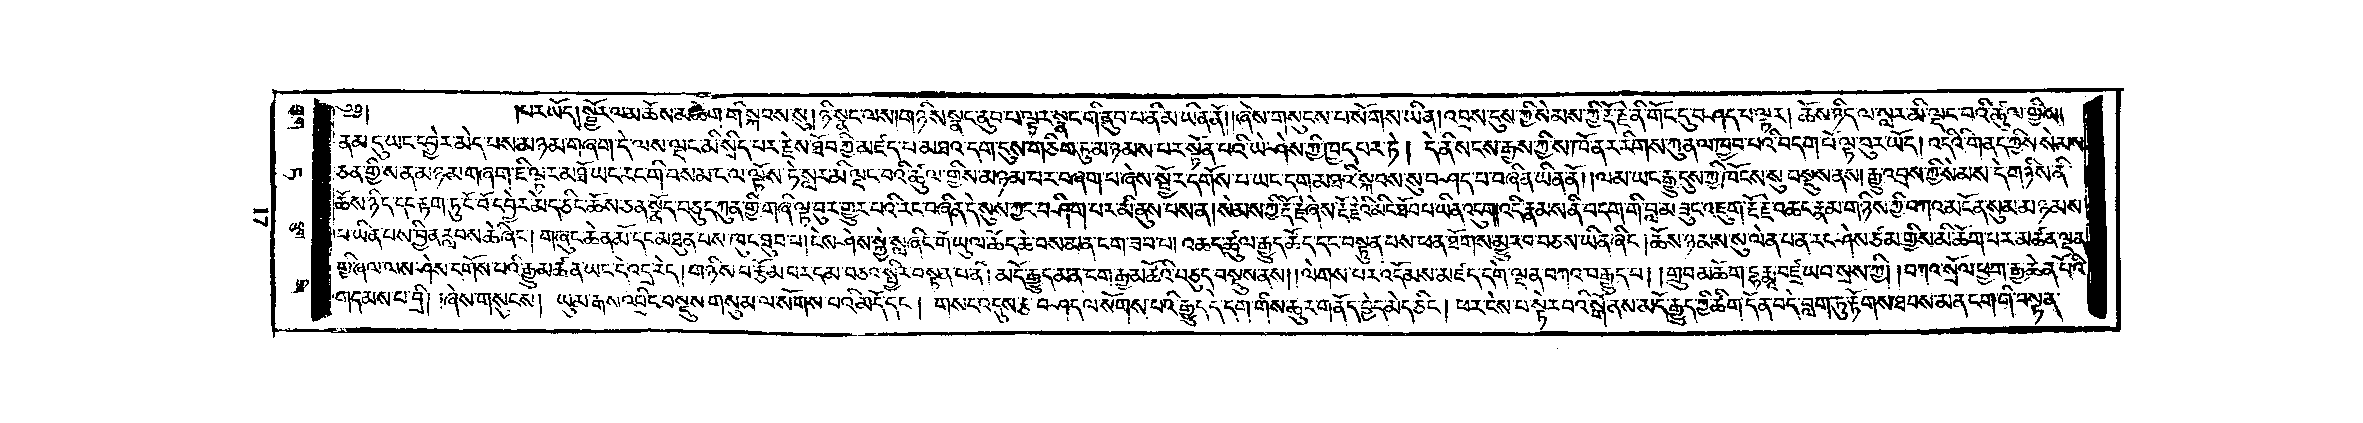༄༅། །པར་ཡོད། སྦྱོར་ལམ་ཆོས་མཆོག་གི་སྐབས་སུ། ཉི་སྣང་ལས། གཉིས་སྣང་ནུབ་པ་ལྟར་སྣང་གི་ནུབ་པ་ནི་མ་ཡིན་ནོ། །ཞེས་གསུངས་པ་སོགས་ཡིན། འབྲས་དུས་ཀྱི་སེམས་ཀྱི་རྡོ་རྗེ་ནི་གོང་དུ་བཤད་པ་ལྟར། ཆོས་ཉིད་ལ་སླར་མི་ལྡང་བའི་ཚུལ་གྱིས།
ནམ་དུ་ཡང་དབྱེར་མེད་པས་མཉམ་གཞག་དེ་ལས་ལྡང་མི་སྲིད་པར་རྗེས་ཐོབ་ཀྱི་མཛད་པ་མཐའ་དག་དུས་གཅིག་ཏུ་མ་ཉམས་པར་སྟོན་པའི་ཡེ་ཤེས་ཀྱི་ཁྱད་པར་ཏེ། དེ་ནི་སངས་རྒྱས་ཀྱི་ས་ཁོ་ནར་རིགས་ཀུན་ལ་ཁྱབ་པའི་བདག་པོ་ལྟ་བུར་ཡོད། འདིའི་གནད་ཀྱིས་སེམས་
ཅན་གྱི་ས་ན་མཉམ་གཞག་ཇི་ལྟར་མཐོ་ཡང་རང་གི་བསམ་ང་ལ་ལྟོས་ཏེ་སླར་མི་ལྡང་བའི་ཚུལ་གྱིས་མཉམ་པར་བཞག་པ་ཞེས་སྦྱོར་དགོས་པ་ཡང་དག་མཐའི་སྐབས་སུ་བཤད་པ་བཞིན་ཡིན་ནོ། །ལམ་ཡང་རྒྱུ་དུས་ཀྱི་ཁོངས་སུ་བསྡུས་ནས། རྒྱུ་འབྲས་ཀྱི་སེམས་དེ་གཉིས་ནི་
ཆོས་ཉིད་དང་རྟག་ཏུ་ངོ་བོ་དབྱེར་མེད་ཅིང་ཆོས་ཅན་སྣོད་བཅུད་ཀུན་གྱི་གཞི་ལྟ་བུར་གྱུར་པའི་རང་བཞིན་དེ་སུས་ཀྱང་བཤིག་པར་མི་ནུས་པས་ན། སེམས་ཀྱི་རྡོ་རྗེ་ཞེས་རྡོ་རྗེའི་མིང་ཐོབ་པ་ཡིན་འདུག །འདི་རྣམས་ནི་བདག་གི་བླ་མ་ཟུང་འཇུག་རྡོ་རྗེ་འཆང་རྣམ་གཉིས་ཀྱི་བཀའ་མངོན་སུམ་མཉམས་
པ་ཡིན་པས་བྱིན་རླབས་ཆེ་ཞིང་། གཞུང་ཆེན་མོ་དང་མཐུན་པས་ཁུང་ཐུབ་པ། ངེས་ཤེས་སྐྱེ་སླ་ཞིང་གོ་ཡུལ་ཆོད་ཆེ་བས་མན་ངག་ཟབ་པ། འཆད་ཚུལ་རྒྱུད་ཚོད་དང་བསྟུན་པས་ཕན་ཐོགས་མྱུར་བ་བཅས་ཡིན་ཞིང་། ཆོས་ཉམས་སུ་ལེན་པ་ན་རང་ཤེས་ཙམ་གྱིས་མི་ཆོག་པར་མཚན་ལྡན་
གྱི་ཞལ་ལས་ཤེས་དགོས་པའི་རྒྱུ་མཚན་ཡང་དེ་འདྲ་རེད། གཉིས་པ་རྩོམ་པར་དམ་བཅའ་སྤྱིར་བསྟན་པ་ནི། མདོ་རྒྱུད་མན་ངག་རྒྱ་མཚོའི་བཅུད་བསྡུས་ནས། །ལེགས་པར་འདོམས་མཛད་དགེ་ལྡན་བཀའ་བརྒྱུད་པ། །གྲུབ་མཆོག་དྷརྨཱ་བྫྲ་ཡབ་སྲས་ཀྱི། །བཀའ་སྲོལ་ཕྱག་རྒྱ་ཆེན་པོའི་
གདམས་པ་བྲི། །ཞེས་གསུངས། ཡུམ་རྒས་འབྲིང་བསྡུས་གསུམ་ལ་སོགས་པའི་མདོ་དང་། གསང་འདུས་རྩ་བཤད་ལ་སོགས་པའི་རྒྱུད་དེ་དག་གིས་ཆུར་གནོད་བྱེད་མེད་ཅིང་། ཕར་ངེས་པ་སྟེར་བའི་སྒོ་ནས་མདོ་རྒྱུད་ཀྱི་ཚིག་དོན་བདེ་བླག་ཏུ་རྟོགས་ཐབས་མན་ངག་གི་བསྟན་